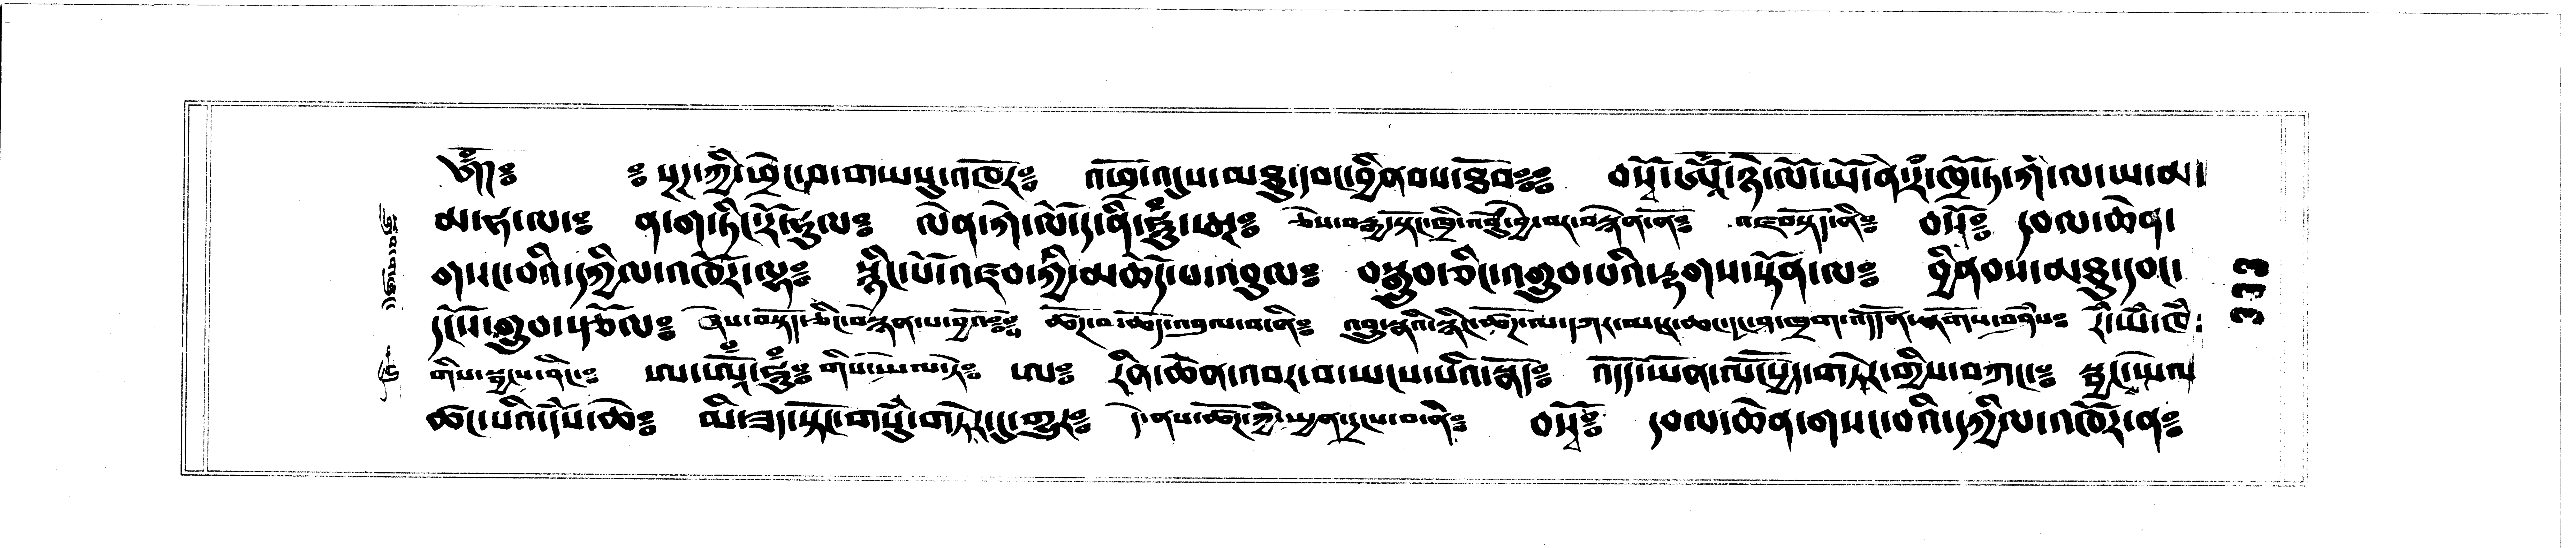༔སྔགས་ཀྱི་ཕྲེང་བ་གཡས་སུ་འཁོར༔ འཕྲོ་འདུས་མཐུ་དབང་བྱིན་རླབས་ཐོབ༔༔ བསྭོ་ཨོཾ་ཉེ་ལོ་ཡོ་ནེ་རམ་ཁྲོ་ཏ་ཀི་ལ་ཡ་མ་
མ་ཧ་ལ༔ ན་ག་ཏིང་རོ་ཧུལ༔ ལེན་ཀེ་ལོ་ད་ནི་ཧཱུྃ་ཕཊ༔ ཅེས་བརྒྱ་སྟོང་ཁྲི་འབུམ་བྱེ་བར་བསྙེན་ནོ༔ འཛབ་བསྟོད་ནི༔ བསྭོ༔ དབལ་ཆེན་
གསང་བའི་དཀྱིལ་འཁོར་ལྷ༔ སྙིང་པོ་འཛབ་ཀྱི་མཆོད་པ་འབུལ༔ བསྒྲུབ་ཅིང་འགྲུབ་པའི་རྟགས་སྟོན་ལ༔ བྱིན་རླབས་མཐུ་དབང་
དངོས་གྲུབ་སྩོལ༔ ཞེས་བསྟོད་ཅིང་བསྙེན་པ་བྱའོ༔ ཚོགས་མཆོད་འབུལ་བ་ནི༔ འབྲུ་སྣའི་སྙིང་ཚོགས་ལ་དཀར་མངར་ཆང་དང་ཤ་ཁྲག་འདོད་ཡོན་སྣ་ཚོགས་བཤམས༔ རཾ་ཡཾ་ཁཾ་
གིས་སྦྱངས་ཤིང་༔ ཨ་ཨཱོྃ་ཧཱུྃ༔ གིས་སྤེལ་ཏེ༔ རིན་ཆེན་འབར་བ་ཡངས་པའི་སྣོད༔ འདོད་ཡོན་ལོངས་སྤྱོད་གཏེར་གྱིས་བཀང་༔ སྦྱང་སྤེལ་
ཚང་བའི་དམ་རྫས་ཆེ༔ མི་ཟད་སྟོང་གསུམ་གཏེར་དུ་གྱུར༔ དེ་ནས་ཚོགས་ཀྱི་སྤྱན་དྲངས་པ་ནི༔ བསྭོ༔ དབལ་ཆེན་གསང་བའི་དཀྱིལ་འཁོར་ན༔